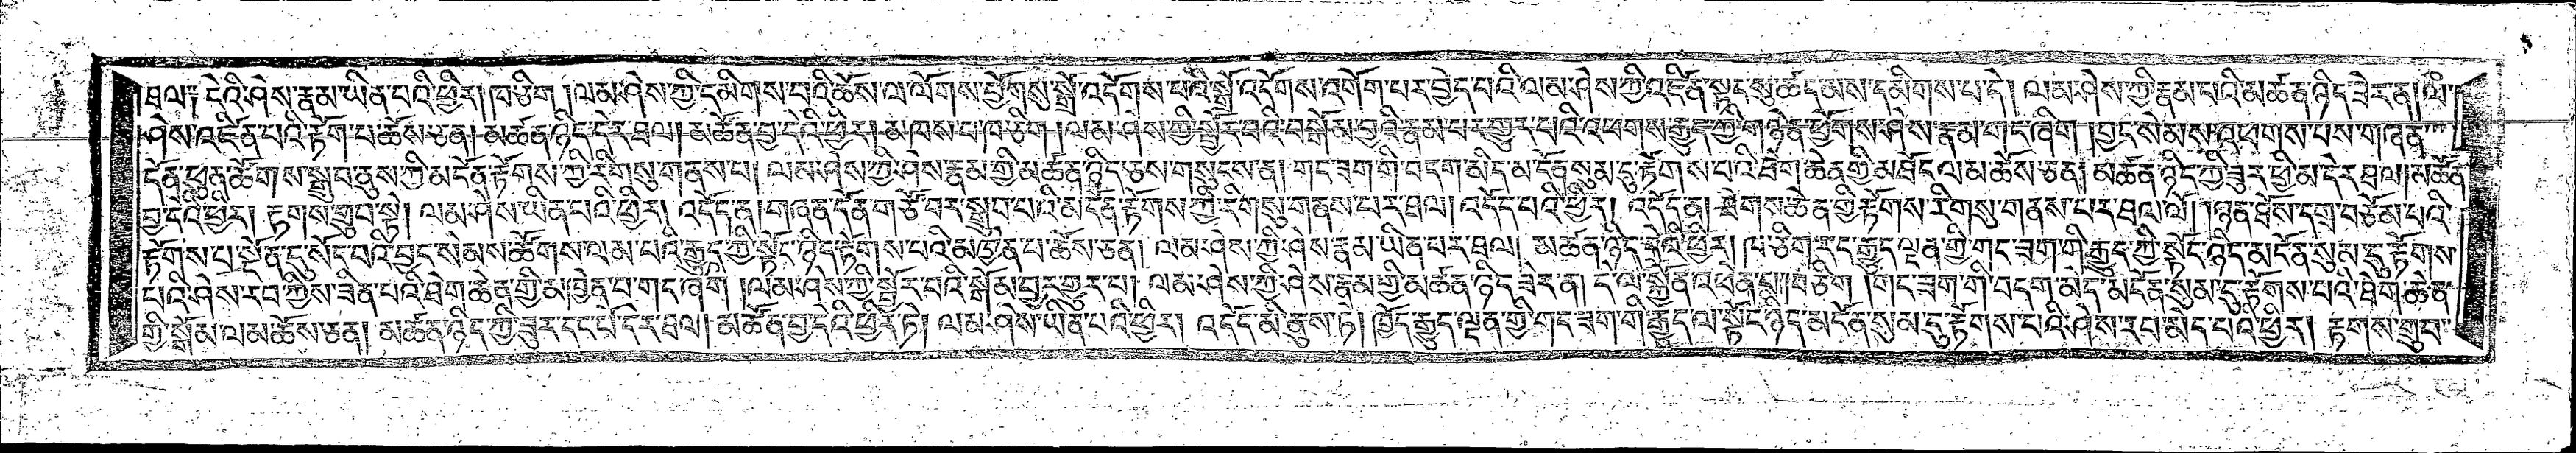ཐལ༑ དེའི་ཤེས་རྣམ་ཡིན་པའི་ཕྱིར། ཁ་ཅིག །ལམ་ཤེས་ཀྱི་དམིགས་པའི་ཆོས་ལ་ལོགས་ཕྱོགས་སུ་སྒྲོ་འདོགས་པའི་སྒྲོ་འདོགས་འགོག་པར་བྱེད་པའི་ལམ་ཤེས་ཀྱི་འཛིན་སྟང་སུ་ཚད་མས་དམིགས་པ་དེ། ལམ་ཤེས་ཀྱི་རྣམ་པའི་མཚན་ཉིད་ཟེར་ན། ལམ་
ཤེས་འཛིན་པའི་རྟོག་པ་ཆོས་ཅན། མཚན་ཉིད་དེར་ཐལ། མཚོན་བྱ་དེའི་ཕྱིར། མཁས་པ་ཁ་ཅིག །ལམ་ཤེས་ཀྱི་སྦྱོར་བའི་བསྒོམ་བྱའི་རྣམ་པར་གྱུར་པའི་འཕགས་རྒྱུད་ཀྱི་གཉེན་ཕྱོགས་ཤེས་རྣམ་གང་ཞིག །བྱང་སེམས་འཕགས་པས་གཞན་
དོན་ཕུན་ཚོགས་སྒྲུབ་ནུས་ཀྱི་མངོན་རྟོགས་ཀྱི་རིགས་སུ་གནས་པ། ལམ་ཤེས་ཀྱི་ཤེས་རྣམ་གྱི་མཚན་ཉིད་ཅེས་གསུངས་ན། གང་ཟག་གི་བདག་མེད་མངོན་སུམ་དུ་རྟོགས་པའི་ཐེག་ཆེན་གྱི་མཐོང་ལམ་ཆོས་ཅན། མཚན་ཉིད་ཀྱི་ཟུར་ཕྱི་མ་དེར་ཐལ། མཚོན་
བྱ་དེའི་ཕྱིར། རྟགས་གྲུབ་སྟེ། ལམ་ཤེས་ཡིན་པའི་ཕྱིར། འདོད་ན། གཞན་དོན་གཙོ་བོར་སྒྲུབ་པའི་མངོན་རྟོགས་ཀྱི་རིགས་སུ་གནས་པར་ཐལ། འདོད་པའི་ཕྱིར། འདོད་ན། ཐེགས་ཆེན་གྱི་རྟོགས་རིགས་སུ་གནས་པར་ཐལ་ལོ། །ཉན་ཐོས་དགྲ་བཅོམ་པའི་
རྟོགས་པ་སྔོན་དུ་སོང་བའི་བྱང་སེམས་ཚོགས་ལམ་པའི་རྒྱུད་ཀྱི་སྟོང་ཉིད་རྟོགས་པའི་མཁྱེན་པ་ཆོས་ཅན། ལམ་ཤེས་ཀྱི་ཤེས་རྣམ་ཡིན་པར་ཐལ། མཚན་ཉིད་དེའི་ཕྱིར། ཁ་ཅིག་རང་རྒྱུད་ལྡན་གྱི་གང་ཟག་གི་རྒྱུད་ཀྱི་སྟོང་ཉིད་མངོན་སུམ་དུ་རྟོགས་
པའི་ཤེས་རབ་ཀྱིས་ཟིན་པའི་ཐེག་ཆེན་གྱི་མཁྱེན་པ་གང་ཞིག །ལམ་ཤེས་ཀྱི་སྦྱོར་བའི་སྒོམ་བྱར་གྱུར་པ། ལམ་ཤེས་ཀྱི་ཤེས་རྣམ་གྱི་མཚན་ཉིད་ཟེར་ན། དེ་ལ་སྐྱོན་འཕེན་པ་ཁ་ཅིག །གང་ཟག་གི་བདག་མེད་མངོན་སུམ་དུ་རྟོགས་པའི་ཐེག་ཆེན་
གྱི་སྒོམ་ལམ་ཆོས་ཅན། མཚན་ཉིད་ཀྱི་ཟུར་དང་པོ་དེར་ཐལ། མཚོན་བྱ་དེའི་ཕྱིར་ཏེ། ལམ་ཤེས་ཡིན་པའི་ཕྱིར། འདོད་མི་ནུས་ཏེ། ཁྱོད་རྒྱུད་ལྡན་གྱི་གང་ཟག་གི་རྒྱུད་ལ་སྟོང་ཉིད་མངོན་སུམ་དུ་རྟོགས་པའི་ཤེས་རབ་མེད་པའི་ཕྱིར། རྟགས་གྲུབ་